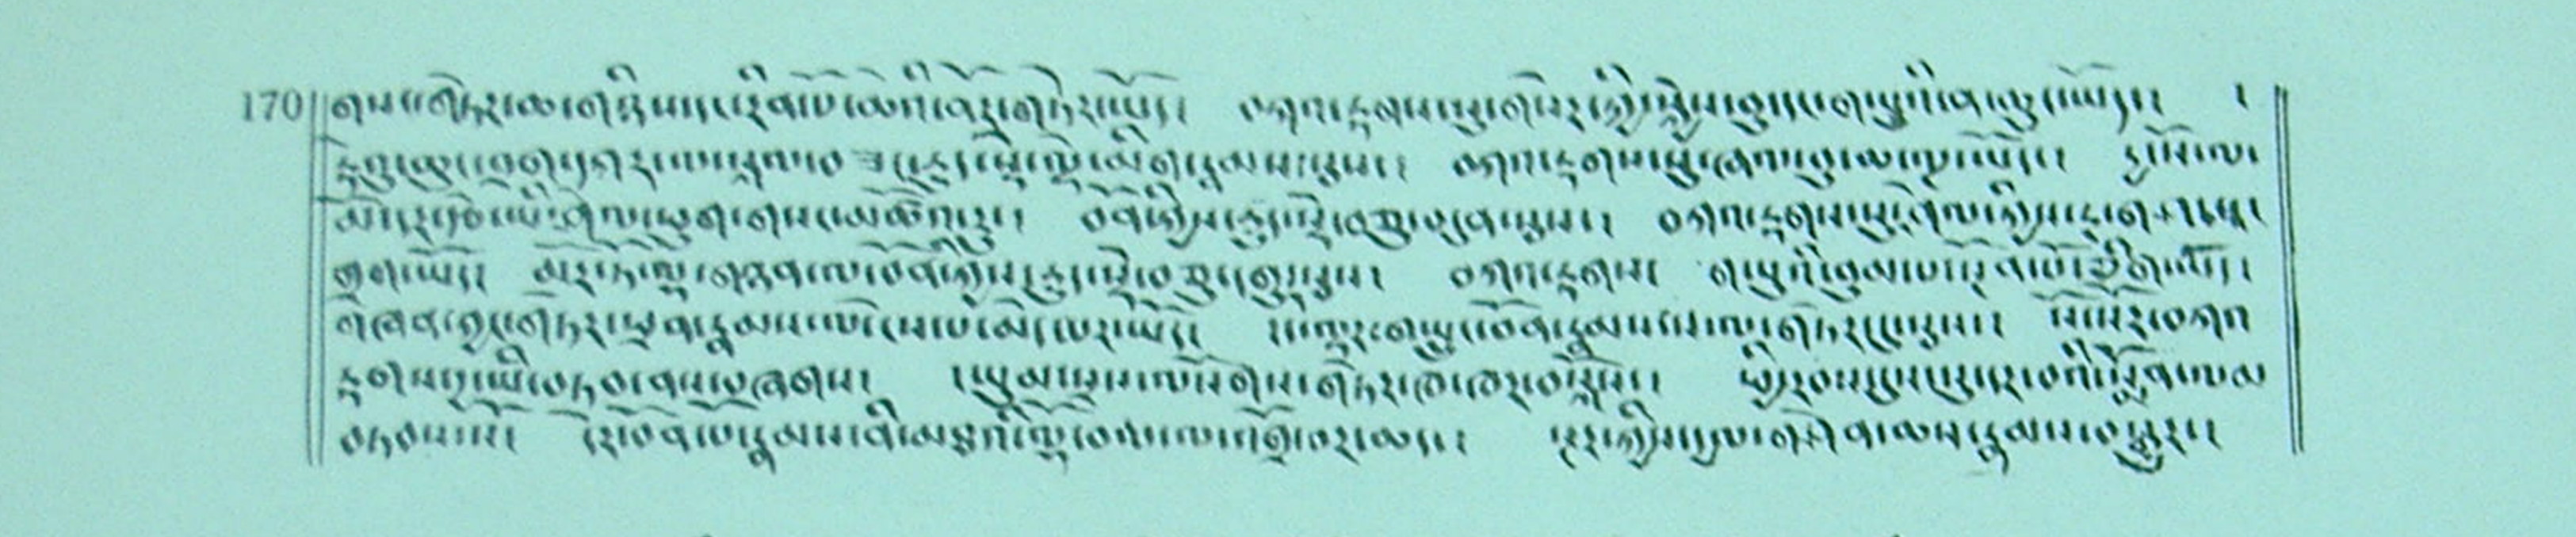གསང་གཏེར་ཆ་གཉིས་དང་རིན་པོ་ཆེའི་ནོར་གཏེར་ཡོད། བཀའ་རྟགས་སུ་གསེར་གྱི་སྐྱེས་བུ་དང་གཡུའི་ན་ཆུང་ཡོད། 
རྡེའུ་ཆུང་བྲག་དཀར་ལ་སྐལ་བཟང་རྒྱུད་སྡེ་ལྡེ་མིག་རྣམས་སྦས། བཀའ་རྟགས་སུ་ཞལ་བུ་ཆ་ལྔ་ཡོད། རྒྱ་སོ་ལ་
མོ་དར་རྩེ་ཡི་ཤེལ་ཕུག་གསང་མཚོ་རུ། བོན་གྱིས་རྒྱུད་སྡེ་བཅུ་བདུན་སྦས། བཀའ་རྟགས་སུ་ཤེལ་གྱི་རྔ་བཤང་སྣང་
ཁྲག་ཡོད། མོར་རྡོ་ལྷ་གཉན་ལ་བོན་གྱི་རྒྱུད་སྡེ་བཅུ་དགུ་སྦས། བཀའ་རྟགས་སུ་གཡུའི་བུམ་པ་སྔོན་པོ་ཅིག་ཡོད། 
གཞན་ཡང་གཏེར་ཕྲན་རྣམས་ལ་ངེས་པ་མེད་པར་ཡོད། དེ་ལྟར་གཡུང་དྲུང་བོན་རྣམས་ས་ལ་གཏེར་དུ་སྦས་ནས། སོ་སོར་བཀའ་
རྟགས་རྒྱ་ཡིས་བཏབ་ནས་བཞག ཡུམ་སྲས་ལ་སོགས་གཏེར་ཁ་ཁར་བསྐོས། ཕྱི་རབས་དུས་སུ་དར་བའི་སྨོན་ལམ་
བཏབས་སོི། །དེར་བོན་པོ་རྣམས་ནི་མཐའི་ལྷོ་བལ་ལ་འགྲོ་བར་ཆས། སྔར་གྱི་རྒྱལ་གཤེན་ཆས་རྣམས་བསྒྱུར་